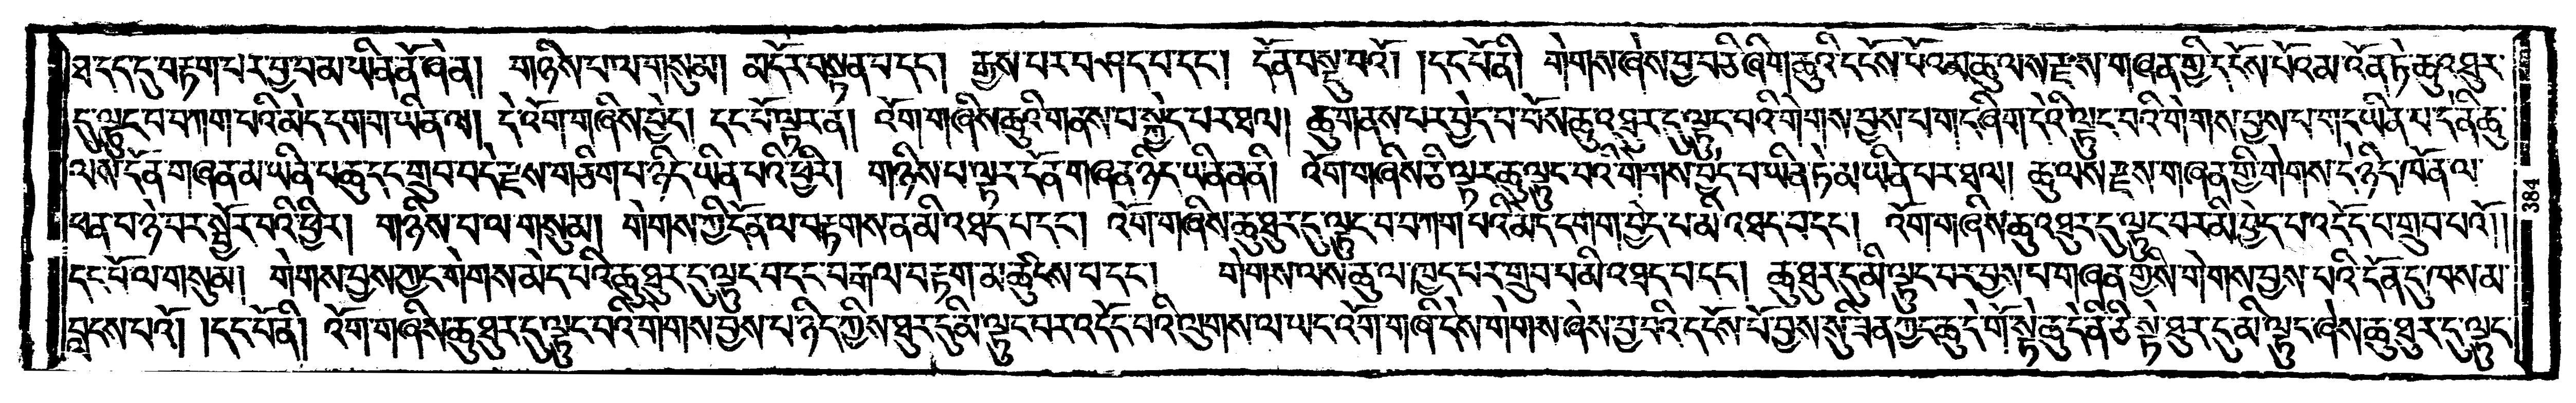ཐ་དད་དུ་བརྟགས་པར་བྱ་བ་མ་ཡིན་ནོ་ཞེ་ན། གཉིས་པ་ལ་གསུམ། མདོར་བསྟན་པ་དང་། རྒྱས་པར་བཤད་པ་དང་། དོན་བསྡུ་བའོ། །དང་པོ་ནི། གེགས་ཞེས་བྱ་བ་ཅི་ཞིག་ཆུའི་དངོས་པོའམ་ཆུ་ལས་རྫས་གཞན་གྱི་དངོས་པོའམ་འོན་ཏེ་ཆུ་འཐུར་
དུ་ལྟུང་བ་བཀག་པའི་མེད་དགག་ཡིན་ལ། དེ་འོག་གཞིས་བྱེད། དང་པོ་ལྟར་ན། འོག་གཞིས་ཆུའི་གནས་བ་སྐྱེད་པར་ཐལ། ཆུ་གནས་པར་བྱེད་པ་བོས་ཆུ་འཐུར་དུ་ལྟུང་བའི་གེགས་བྱས་པ་གང་ཞིག་དེའི་ལྟུང་བའི་གེགས་བྱས་པ་གང་ཡིན་པ་དེ་ནི་ཆུ་
ལས་དོན་གཞན་མ་ཡིན་པ་ཆུ་དང་གྲུབ་བདེ་རྫས་གཅིག་པ་ཉིད་ཡིན་པའི་ཕྱིར། གཉིས་པ་ལྟར་དོན་གཞན་ཉིད་ཡིན་ན་ནི། འོག་གཞིས་ཅི་ལྟར་ཆུ་ལྟུང་བའི་གེགས་བྱེད་བ་ཡིན་ཏེ་མ་ཡིན་པར་ཐལ། ཆུ་ལས་རྫས་གཞན་གྱི་གེགས་དེ་ཉིད་ཁོ་ན་ལ་
ཕན་བ་ཉེ་བར་སྦྱོར་བའི་ཕྱིར། གཉིས་པ་ལ་གསུམ། གེགས་ཀྱི་དོན་ལ་བརྟགས་ན་མི་འཐད་པ་དང་། འོག་གཞིས་ཆུ་ཐུར་དུ་ལྟུང་བ་བཀག་པའི་མེད་དགག་བྱེད་པ་མི་འཐད་བ་དང་། འོག་གཞིས་ཆུ་འཐུར་དུ་ལྟུང་བར་མི་བྱེད་པ་འདོད་པ་གྲུབ་པའོ། །
དང་པོ་ལ་གསུམ། གེགས་བྱས་ཀྱང་གེགས་མེད་པའི་ཆུ་ཐུར་དུ་ལྟུང་བ་དང་བརྒལ་བརྟག་མ་ཚུངས་པ་དང་། གེགས་ལས་ཆུ་ལ་ཁྱད་པར་གྲུབ་པ་མི་འཐད་པ་དང་། ཆུ་ཐུར་དུ་མི་ལྟུང་བར་བྱས་པ་གཞན་གྱིས་གེགས་བྱས་པའི་དོན་དུ་ཁས་མ་
བླངས་པའོ། །དང་པོ་ནི། འོག་གཞིས་ཆུ་ཐུར་དུ་ལྟུང་བའི་གེགས་བྱས་པ་ཉིད་ཀྱིས་ཐུར་དུ་མི་ལྟུང་བར་འདོད་བའི་ལུགས་ལ་ཡང་འོག་གཞི་དེས་གེགས་ཞེས་བྱ་བའི་དངོས་པོ་བྱས་སུ་ཟིན་ཀྱང་ཆུ་དེ་གོ་སྟེ་ཆུ་དེ་ནི་ཅི་སྟེ་ཐུར་དུ་མི་ལྟུང་ཞེས་ཆུ་ཐུར་དུ་ལྟུང་